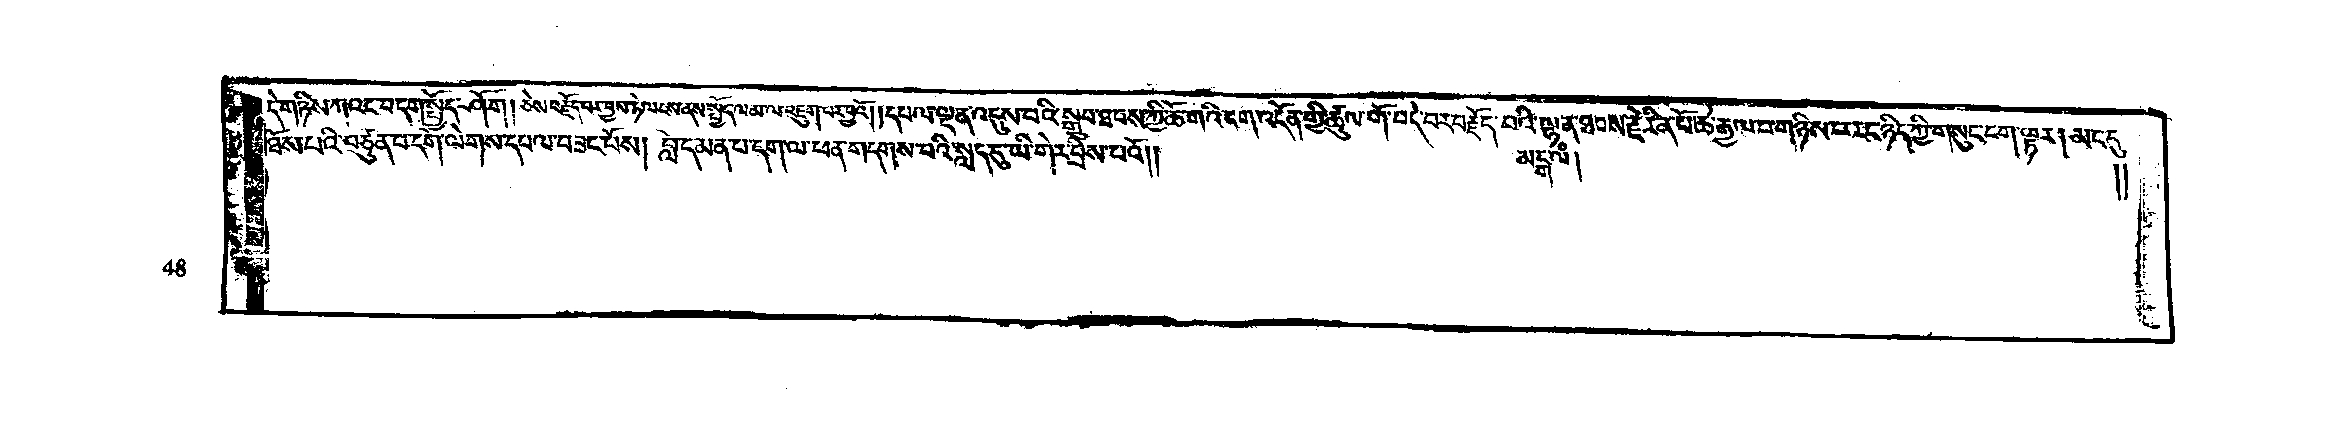དེ་གཉིས་ཀའང་བདག་སྤྱོད་ཤོག ། ཅེས་བརྗོད་པར་བྱས་ཏེ་ལངས་ནས་སྤྱོད་ལམ་ལ་འཇུག་པར་བྱའོ།  །དཔལ་ལྡན་འདུས་པའི་སྒྲུབ་ཐབས་ཀྱི་ཆོ་གའི་ངག་འདོན་གྱི་ཚུལ་གོ་བདེ་བར་བརྗོད་པའི་ལྷན་ཐབས་རྗེ་རིན་པོ་ཆེ་རྒྱལ་བ་གཉིས་པ་རང་ཉིད་ཀྱི་གསུང་ངག་ལྟར། མང་དུ་
ཐོས་པའི་བཙུན་པ་དགེ་ལེགས་དཔལ་བཟང་པོས། བློ་དམན་པ་དག་ལ་ཕན་གདགས་པའི་སླད་དུ་ཡི་གེར་བྲིས་པའོ།། མངྒ་ལཾ། །།